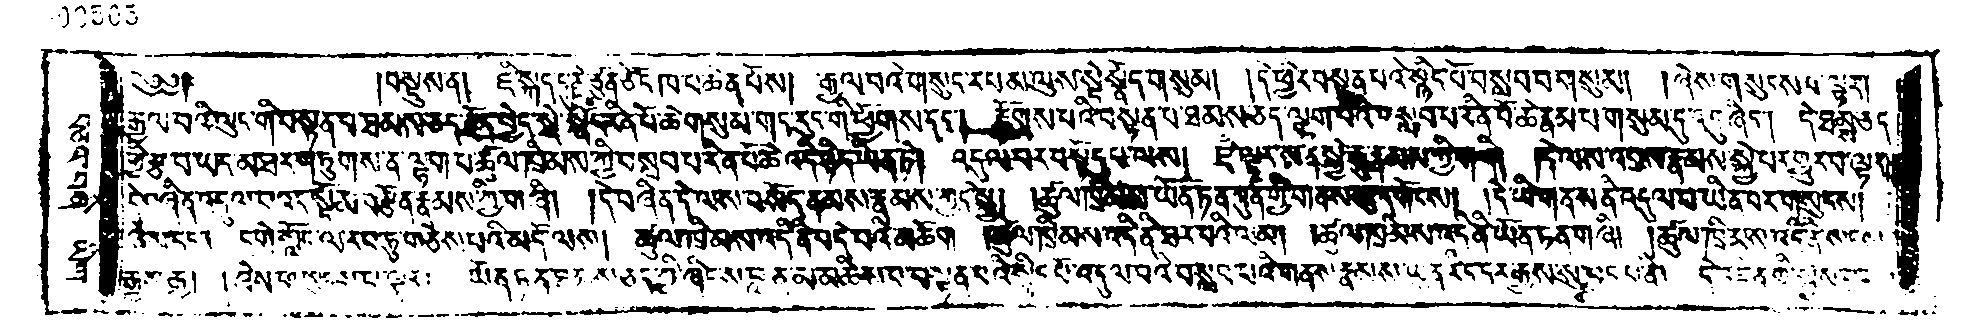༄༅། །བསྡུས་ན། ཇི་སྐད་དུ་རྗེ་ཙུན་ཙོང་ཁ་པ་ཆེན་པོས། རྒྱལ་བའི་གསུང་རབ་མ་ལུས་སྡེ་སྣོད་གསུམ། །དེ་ཕྱིར་བསྟན་པའི་སྙིང་པོ་བསླབ་པ་གསུམ། ། ཞེས་གསུངས་པ་ལྟར།
རྒྱལ་བའི་ལུང་གི་བསྟན་པ་ཐམས་ཅད་རྗོད་བྱེད་སྡེ་སྣོད་རིན་པོ་ཆེ་གསུམ་གང་རུང་གི་ཕྱོགས་དང་། རྟོགས་པའི་བསྟན་པ་ཐམས་ཅད་ལྷག་པའི་བསླབ་པ་རིན་པོ་ཆེ་རྣམ་པ་གསུམ་དུ་འདུ་ཞིང་། དེ་ཐམས་ཅད་
ཀྱི་རྩ་བ་ཡང་མཐར་གཏུགས་ན་ལྷག་པ་ཚུལ་ཁྲིམས་ཀྱི་བསླབ་པ་རིན་པོ་ཆེ་འདི་ཉིད་ཡིན་ཏེ། འདུལ་བར་བསྟོད་པ་ལས། ཇི་ལྟར་ས་ནི་སྐྱེ་རྒུ་རྣམས་ཀྱི་གཞི། །དེ་ལས་འབྲས་རྣམས་སྐྱེ་པར་གྱུར་བ་ལྟར།།
དེ་བཞིན་འདུལ་བའང་སྡོམ་བརྩོན་རྣམས་ཀྱི་གཞི། །དེ་བཞིན་དེ་ལས་བསོད་ནམས་རྣམས་ཀྱང་སྐྱེ། །ཚུལ་ཁྲིམས་ཡོན་ཏན་ཀུན་གྱི་གནས་སུ་དགོངས། །དེ་ཡི་གནས་ནི་འདུལ་བ་ཡིན་པར་གསུངས། །
ཞེས་དང་། དགེ་སློང་ལ་རབ་ཏུ་གཅེས་པའི་མདོ་ལས། ཚུལ་ཁྲིམས་འདི་ནི་བདེ་བའི་མཆོག །ཚུལ་ཁྲིམས་འདི་ནི་ཐར་པའི་ལམ། །ཚུལ་ཁྲིམས་འདི་ནི་ཡོན་ཏན་གཞི། །ཚུལ་ཁྲིམས་འདི་ནི་སངས་
རྒྱས་རྒྱུ། །ཞེས་གསུངས་པ་ལྟར། ཡོན་ཏན་ཐམས་ཅད་ཀྱི་ཞིང་ས་བླ་ན་མ་མཆིས་པ་བསྟན་པའི་སྙིང་པོ་འདུལ་བའི་བསླབ་པའི་གནས་རྣམས་ཡུན་རིང་དར་རྒྱས་སུ་འབྱུང་པ་ནི། དེ་འཛིན་གྱི་སྐྱེས་བུ་དམ་